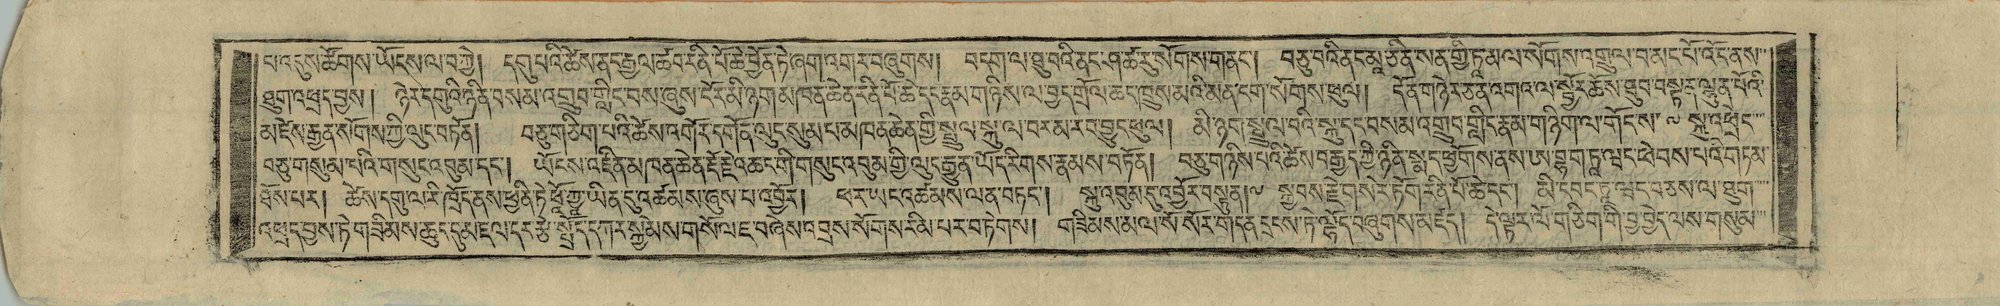པ་འདུས་ཚོགས་ཡོངས་ལ་བཀྱེ། དགུ་པའི་ཚེས་ནང་རྒྱལ་ཚབ་རིན་པོ་ཆེ་བྱོན་ཏེ་ཞག་འགར་བཞུགས། བདག་ལ་ཐུ་བའི་ནང་ཤ་ཚ་རུ་སོགས་གནང་། བཅུ་བའི་ནང་མཱ་ཅིན་སན་གྱི་ཏཱ་མལ་སོགས་འགྲུལ་བ་མང་པོ་འོང་ནས་
ཐུག་འཕྲད་བྱས། ཉེར་དགུའི་ཉིན་བསམ་འགྲུབ་གླིང་བས་ཞུས་ངོར་མི་ཉག་མཁན་ཆེན་རིན་པོ་ཆེ་དང་རྣམ་གཉིས་ལ་བྱད་གྲོལ་ཆང་ཁྲུས་མའི་མན་ངག་སོགས་ཕུལ། དོན་གཉེར་ཅན་འགའ་ལ་སྦྱོར་ཆོས་ཐུབ་བསྟན་ལྷུན་པོའི་
མཛེས་རྒྱན་སོགས་ཀྱི་ལུང་བཏོན། བཅུ་གཅིག་པའི་ཚེས་འགོར་དགོན་ལུང་སུམ་པ་མཁན་ཆེན་གྱི་སྤྲུལ་སྐུ་ལ་བར་མ་རབ་བྱུང་ཕུལ། མི་ཉག་སྤྲུལ་བའི་སྐུ་དང་བསམ་འགྲུབ་གླིང་རྣམ་གཉིག་ལ་གོང་ས་༧་སྐུ་འཕྲེང་
བཅུ་གསུམ་པའི་གསུང་འབུམ་དང་། ཡོངས་འཛིན་མཁན་ཆེན་རྡོ་རྗེ་འཆང་གི་གསུང་འབུམ་གྱི་ལུང་རྒྱུན་ཡོད་རིགས་རྣམས་བཏོན། བཅུ་གཉིས་པའི་ཚེས་བརྒྱད་ཀྱི་ཉིན་སྨད་ཕྱོགས་ནས་ཨ་བྷག་ཏཱ་ཝང་ཕེབས་པའི་གཏམ་
ཐོས་པར། ཚེས་དགུ་ལ་རི་ཁྲོད་ནས་ཕྱིན་ཏེ་ཕO་ཀྱཱ་ཡིན་དུ་འཚམས་ཞུས་པ་འབྱོར། ཕར་ཡང་འཚམས་ལན་བཏང་། སྐུ་འབུམ་དུ་འབྱོར་བསྟུན། ༧་སྐྱབས་རྗེ་གསེར་ཏོག་རིན་པོ་ཆེ་དང་། མི་དབང་ཏཱ་ཝང་བཅས་ལ་ཐུག་
འཕྲད་བྱས་ཏེ་གཟིམས་ཆུང་དུ་མཇལ་དར་རྩེ་སྤྲོད་དཀར་སྐྱེམས་གསོལ་ཇ་བཞེས་འབྲས་སོགས་རིམ་པར་བཏེགས། གཟིམས་མལ་སོ་སོར་གདན་དྲངས་ཏེ་ལྷོད་བཞུགས་མཛད། དེ་ལྟར་ལོ་གཅིག་གི་བྱ་བྱེད་ལས་གསུམ་